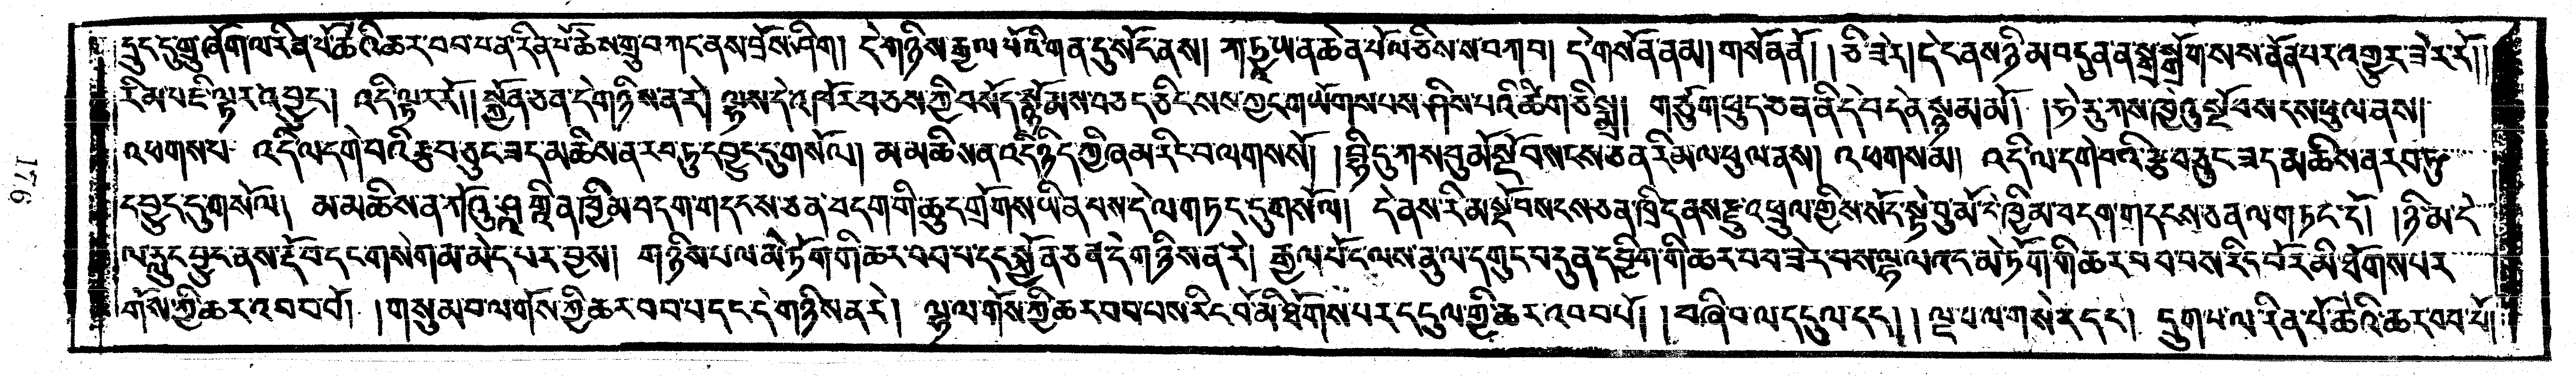དྲུང་དུ་གྲུ་ཞོག་ལ་རིན་པོ་ཆེའི་ཆར་བབ་པ་ན་རིན་པོ་ཆེས་གྲུ་བཀང་ནས་བྲོས་ཤིག། དེ་གཉིས་རྒྱལ་པོའི་གན་དུ་སོང་ནས། ཀ་ཏྱཱ་ཡ་ན་ཆེན་པོ་ལ་ཅིས་ས་བཀབ། དེ་གསོན་ནམ། གསོན་ནོ། །ཅི་ཟེར། དེང་ནས་ཉི་མ་བདུན་ན་སྒྲ་སྒྲོག་སས་ནོན་པར་འགྱུར་ཟེར་རོ།།
རིམ་པ་ཇི་ལྟར་འབྱུང་། འདི་ལྟར་རོ། །སྐྱོན་ཅན་དེ་གཉིས་ན་རེ། ལྷས་དེ་འཁོར་བཅས་ཀྱི་བསོད་སྙོམས་བཅད་ཅིང་སས་ཀྱང་གཡོགས་པས་ཤིས་པའི་ཚིག་ཅི་སྨྲ། གཙུག་ཕུད་ཅན་ནི་དེ་བདེན་སྙམ་མོ། །ཧེ་རུ་ཀས་ཁྱེའུ་སྔོ་བསངས་ཕུལ་ནས།
འཕགས་པ་འདི་ལ་དགེ་བའི་རྩ་བ་ཅུང་ཟད་མཆིས་ན་རབ་ཏུ་དབྱུང་དུ་གསོལ། མ་མཆིས་ན་འདི་ཉིད་ཀྱི་ཞམ་རིང་བ་ལགས་སོ། །བྷི་དུ་ཀས་བུ་མོ་སྔོ་བསངས་ཅན་རིམ་ལ་ཕུལ་ནས། འཕགས་མ། འདི་ལ་དགེ་བའི་རྩ་བ་ཅུང་ཟད་མཆིས་ན་རབ་ཏུ་
དབྱུང་དུ་གསོལ། མ་མཆིས་ན་ཀོའུ་ཤཱ་གཱི་ན་ཁྱིམ་བདག་གདངས་ཅན་བདག་གི་ཆུད་གྲོགས་ཡིན་པས་དེ་ལ་གཏང་དུ་གསོལ། དེ་ནས་རིམ་སྔོ་བསངས་ཅན་ཁྲིད་ནས་རྫུ་འཕྲུལ་གྱིས་སོང་སྟེ་བུ་མོ་དེ་ཁྱིམ་བདག་གདངས་ཅན་ལ་གཏང་ངོ། །ཉི་མ་དེ་
ལ་རླུང་བྱུང་ནས་རྡོ་བ་དང་གསེག་མ་མེད་པར་བྱས། གཉིས་པ་ལ་མེ་ཏོག་གི་ཆར་བབ་པ་དང་སྐྱོན་ཅན་དེ་གཉིས་ན་རེ། རྒྱལ་པོ་དུ་ལས་ནུ་ལ་དགུང་བདུན་དབྱིག་གི་ཆར་བབ་ཟེར་བས་ལྷ་ལའང་མེ་ཏོག་གི་ཆར་བབ་བས་རིང་བོར་མི་ཐོགས་པར་
གོས་ཀྱི་ཆར་འབབ་བོ། །གསུམ་བ་ལ་གོས་ཀྱི་ཆར་བབ་པ་དང་དེ་གཉིས་ན་རེ། ལྷ་ལ་གོས་ཀྱི་ཆར་བབ་པས་རིང་བོ་མི་ཐོགས་པར་དངུལ་གྱི་ཆར་འབབ་བོ། །བཞི་བ་ལ་དངུལ་དང་། །ལྔ་པ་ལ་གསེར་དང་། དྲུག་པ་ལ་རིན་པོ་ཆེའི་ཆར་བབ་པོ།